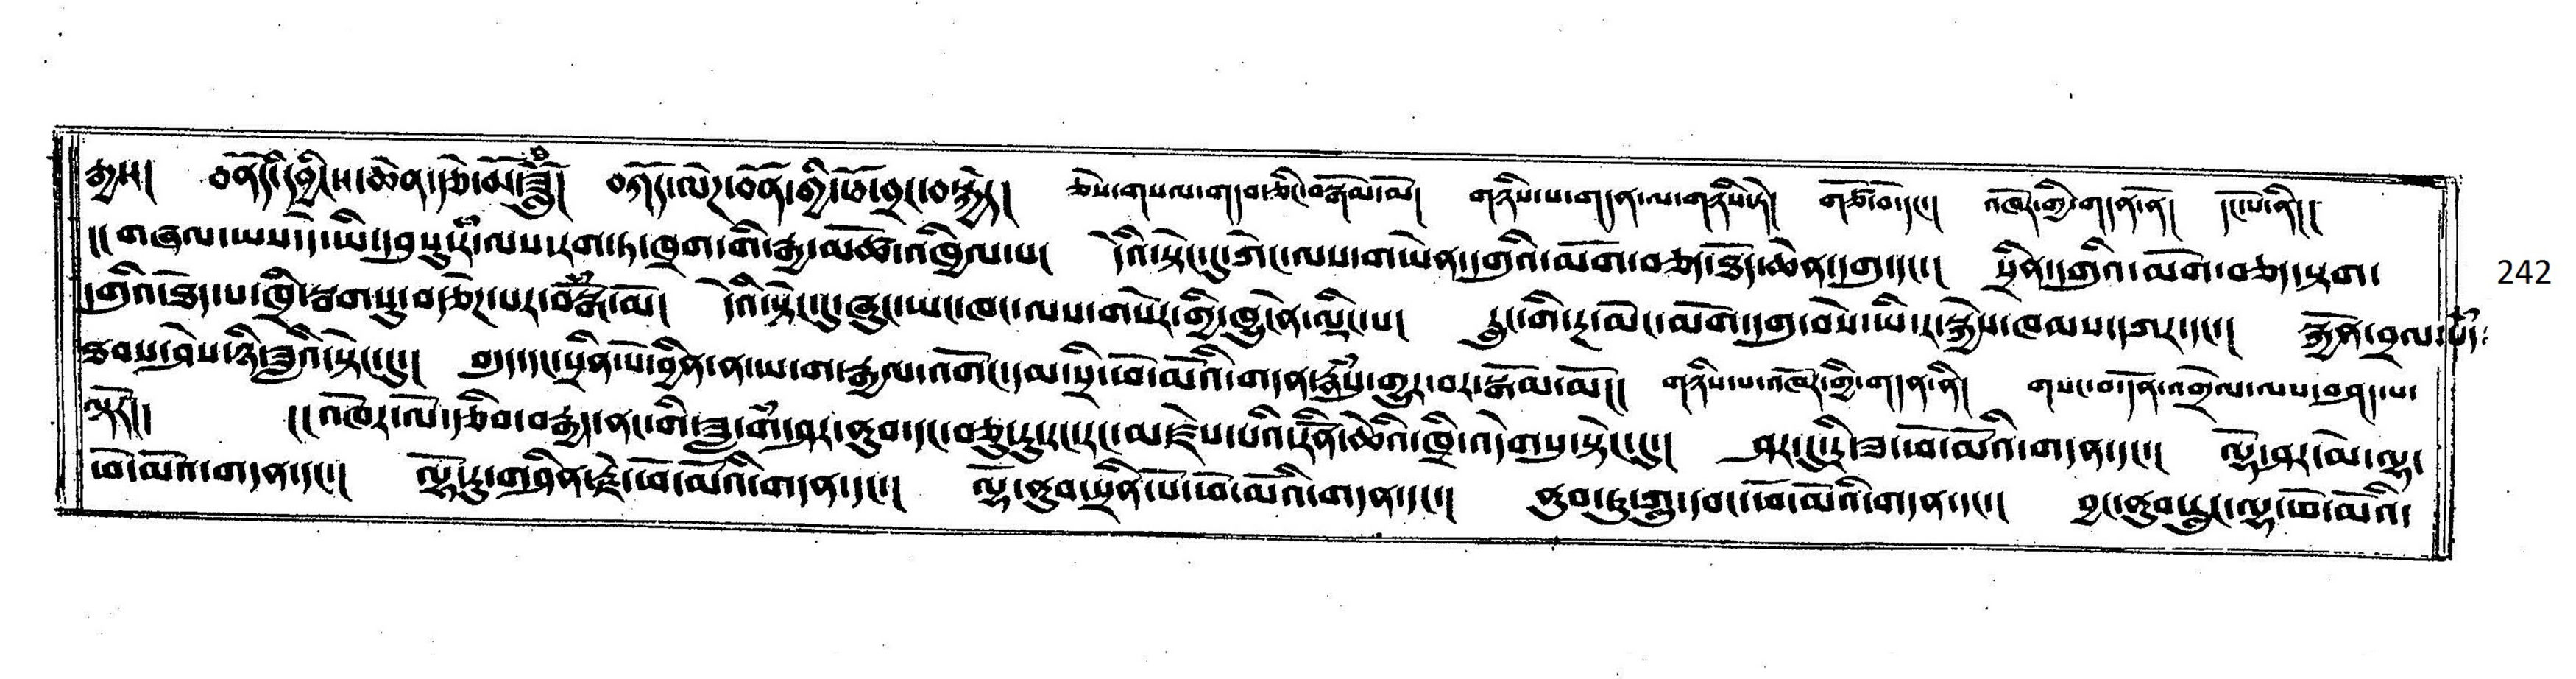རྒྱས། བོན་ཉིད་དབྱིངས་ཆེན་རྩེ་མོ་ཟླུམ་པོ། བཀོད་ལེགས་བོན་གྱི་ཕོ་བྲང་བསྐྱེད། ཅེས་གསལ་གདབ་ཅིང་བསྒོམ་མོ། གཉིས་པ་གདན་ལ་གཉིས་ཏེ། གཙོ་བོ་དང་། འཁོར་གྱི་གདན་ནོ། །དང་པོ་ནི།། 
།། གཞལ་ཡས་དེ་ཡི་དབུས་སུ་རཾ་ལས་རག་ཏ་ཁྲག་གི་རྒྱ་མཚོ་འཁྱིལ་པ། དེའི་སྟེང་དུ་ཀེང་ལས་གཡེན་དགུའི་མགོ་བཅད་ཐོད་ཆེན་དགུ་དང་། སྲིན་དགུའི་མགོ་བཅད་སྟག་
དགུའི་ཐོད་པ་ཁྲི་སྦགས་སུ་བརྩེགས་པར་བསྒོམ་མོ། དེའི་སྟེང་དུ་ཞུང་ཡང་ཁང་ལས་གསེར་གྱི་ཁྱུང་ཆེན་ལྡིང་པ། རླུང་གི་རྔ་མོང་མགོ་དགུ་བསེ་ཡི་ར་སྐྱེས་ཁམས་དཀར་དང་། སྐྱོན་བྲལ་པད་མ་
ཐབས་ཤེས་ཉི་ཟླའི་སྟེང་དུ། བདུད་དང་སྲིན་པོ་བྱིན་ན་ཡ་ག་རྒྱལ་འགོང་དམ་སྲི་ཕོ་མོའི་གདན་རྣམས་སུ་གྱུར་པར་སྒོམ་མོ།། གཉིས་པ་འཁོར་གྱི་གདན་ནི། གསང་བ་དོན་འགྲེལ་ལས་བཤད་པ་
ལྟར་རོ།། །།འཁོར་ལོ་རྩིབ་བརྒྱད་ནང་གི་ཟླ་གམ་ཤར་ནུབ་དང་བཅུ་རུ་རང་རང་མཛེས་པའི་རིན་པོ་ཆེའི་ཁྲི་འདེགས་སུ་སྟེང་དུ། ཤར་དུ་དྲི་ཟ་ཕོ་མོའི་གདན་དང་། ལྷོ་ཤར་མེ་ལྷ་
ཕོ་མོས་གདན་དང་། ལྷོ་རུ་གཤིན་རྗེ་ཕོ་མོའི་གདན་དང་། ལྷོ་ནུབ་སྲིན་པོ་ཕོ་མོའི་གདན་དང་། ནུབ་ཏུ་ཀླུ་དབང་ཕོ་མོའི་གདན་དང་། བྱང་ནུབ་རླུང་ལྷ་ཕོ་མོའི་